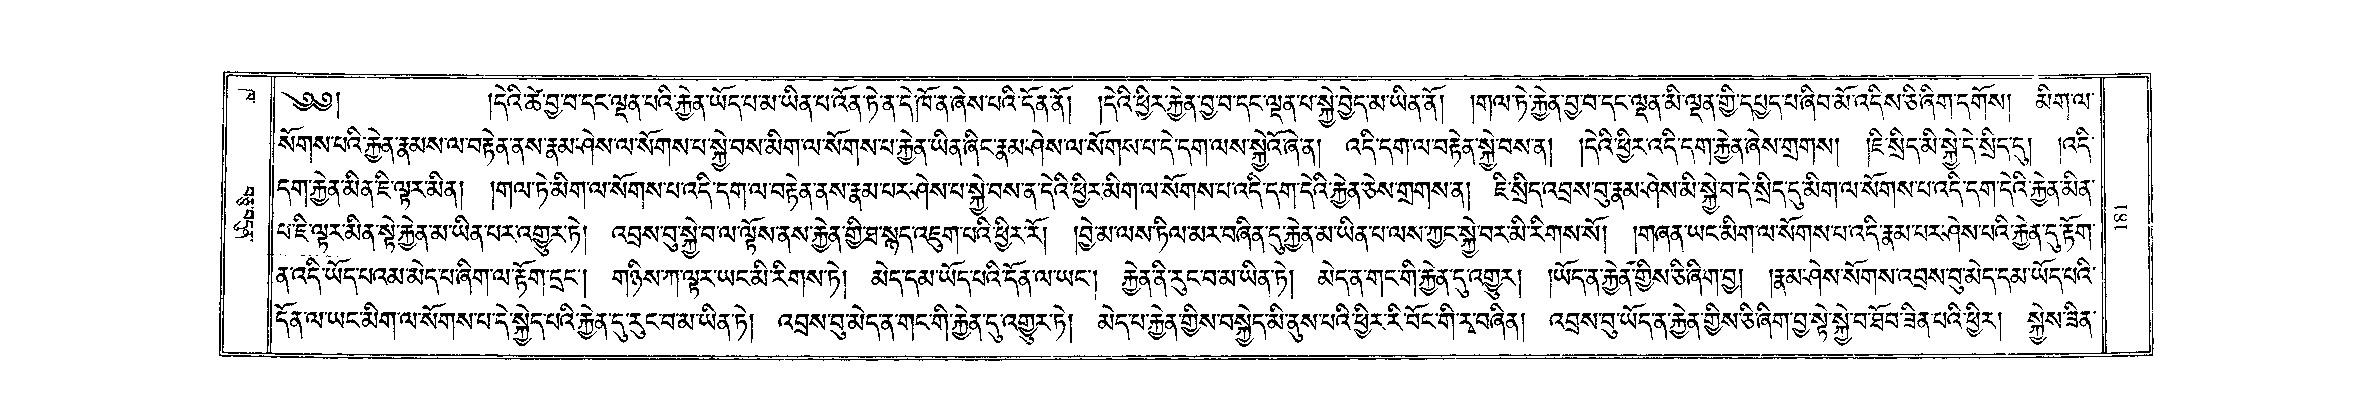༄༅། །དེའི་ཚེ་བྱ་བ་དང་ལྡན་པའི་རྐྱེན་ཡོད་པ་མ་ཡིན་པ་འོན་ཏེ་ན་དེ་ཁོ་ན་ཞེས་པའི་དོན་ནོ། །དེའི་ཕྱིར་རྐྱེན་བྱ་བ་དང་ལྡན་པ་སྐྱེ་བྱེད་མ་ཡིན་ནོ། །གལ་ཏེ་རྐྱེན་བྱ་བ་དང་ལྡན་མི་ལྡན་གྱི་དཔྱད་པ་ཞིབ་མོ་འདིས་ཅི་ཞིག་དགོས། མིག་ལ་
སོགས་པའི་རྐྱེན་རྣམས་ལ་བརྟེན་ནས་རྣམ་ཤེས་ལ་སོགས་པ་སྐྱེ་བས་མིག་ལ་སོགས་པ་རྐྱེན་ཡིན་ཞིང་རྣམ་ཤེས་ལ་སོགས་པ་དེ་དག་ལས་སྐྱེའོ་ཞེ་ན། འདི་དག་ལ་བརྟེན་སྐྱེ་བས་ན། །དེའི་ཕྱིར་འདི་དག་རྐྱེན་ཞེས་གྲགས། །ཇི་སྲིད་མི་སྐྱེ་དེ་སྲིད་དུ། །འདི་
དག་རྐྱེན་མིན་ཇི་ལྟར་མིན། །གལ་ཏེ་མིག་ལ་སོགས་པ་འདི་དག་ལ་བརྟེན་ནས་རྣམ་པར་ཤེས་པ་སྐྱེ་བས་ན་དེའི་ཕྱིར་མིག་ལ་སོགས་པ་འདི་དག་དེའི་རྐྱེན་ཅེས་གྲགས་ན། ཇི་སྲིད་འབྲས་བུ་རྣམ་ཤེས་མི་སྐྱེ་བ་དེ་སྲིད་དུ་མིག་ལ་སོགས་པ་འདི་དག་དེའི་རྐྱེན་མིན་
པ་ཇི་ལྟར་མིན་སྟེ་རྐྱེན་མ་ཡིན་པར་འགྱུར་ཏེ། འབྲས་བུ་སྐྱེ་བ་ལ་ལྟོས་ནས་རྐྱེན་གྱི་ཐ་སྙད་འཇུག་པའི་ཕྱིར་རོ། །བྱེ་མ་ལས་ཏིལ་མར་བཞིན་དུ་རྐྱེན་མ་ཡིན་པ་ལས་ཀྱང་སྐྱེ་བར་མི་རིགས་སོ། །གཞན་ཡང་མིག་ལ་སོགས་པ་འདི་རྣམ་པར་ཤེས་པའི་རྐྱེན་དུ་རྟོག་
ན་འདི་ཡོད་པའམ་མེད་པ་ཞིག་ལ་རྟོག་དྲང་། གཉིས་ཀ་ལྟར་ཡང་མི་རིགས་ཏེ། མེད་དམ་ཡོད་པའི་དོན་ལ་ཡང་། རྐྱེན་ནི་རུང་བ་མ་ཡིན་ཏེ། མེད་ན་གང་གི་རྐྱེན་དུ་འགྱུར། །ཡོད་ན་རྐྱེན་གྱིས་ཅི་ཞིག་བྱ། །རྣམ་ཤེས་སོགས་འབྲས་བུ་མེད་དམ་ཡོད་པའི་
དོན་ལ་ཡང་མིག་ལ་སོགས་པ་དེ་སྐྱེད་པའི་རྐྱེན་དུ་རུང་བ་མ་ཡིན་ཏེ། འབྲས་བུ་མེད་ན་གང་གི་རྐྱེན་དུ་འགྱུར་ཏེ། མེད་པ་རྐྱེན་གྱིས་བསྐྱེད་མི་ནུས་པའི་ཕྱིར་རི་བོང་གི་རྭ་བཞིན། འབྲས་བུ་ཡོད་ན་རྐྱེན་གྱིས་ཅི་ཞིག་བྱ་སྟེ་སྐྱེ་བ་ཐོབ་ཟིན་པའི་ཕྱིར། སྐྱེས་ཟིན་